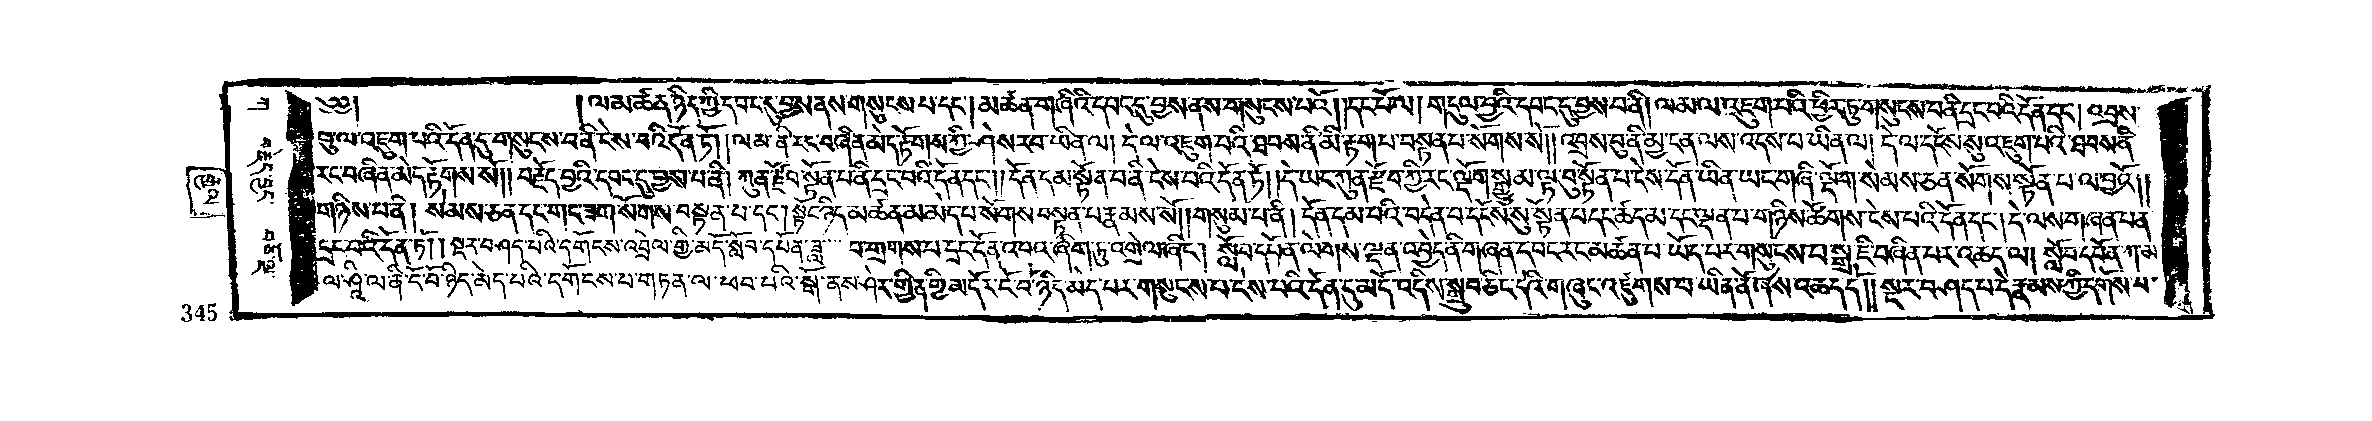༄༅། །ལ་མཚན་ཉིད་ཀྱི་དབང་དུ་བྱས་ནས་གསུངས་པ་དང་། མཚན་གཞིའི་དབང་དུ་བྱས་ནས་གསུངས་པའོ། །དང་པོ་ལ། གདུལ་བྱའི་དབང་དུ་བྱས་པ་ནི། ལམ་ལ་འཇུག་པའི་ཕྱིར་ཏུ་གསུངས་པ་ནི་དྲང་བའི་དོན་དང་། འབྲས་
བུ་ལ་འཇུག་པའི་དོན་དུ་གསུངས་པ་ནི་ངེས་པའི་དོན་ཏོ། །ལམ་ནི་རང་བཞིན་མེད་རྟོགས་ཀྱི་ཤེས་རབ་ཡིན་ལ། དེ་ལ་འཇུག་པའི་ཐབས་ནི་མི་རྟག་པ་བསྟན་པ་སོགས་སོ། །འབྲས་བུ་ནི་མྱ་ངན་ལས་འདས་པ་ཡིན་ལ། དེ་ལ་དངོས་སུ་འཇུག་པའི་ཐབས་ནི་
རང་བཞིན་མེད་རྟོགས་སོ། །བརྗོད་བྱའི་དབང་དུ་བྱས་པ་ནི། ཀུན་རྫོབ་སྟོན་པ་ནི་དྲང་བའི་དོན་དང་། །དོན་དམ་སྟོན་པ་ནི་ངེས་པའི་དོན་ཏོ། །དེ་ཡང་ཀུན་རྫོབ་ཀྱི་རང་ལྡོག་སྒྱུ་མ་ལྟ་བུ་སྟོན་པ་ངེས་དོན་ཡིན་ཡང་གཞི་ལྡོག་སེམས་ཅན་སོགས་སྟོན་པ་ལ་བྱའོ། །
གཉིས་པ་ནི། སེམས་ཅན་དང་གང་ཟག་སོགས་བསྟན་པ་དང་། སྟོང་ཉིད་མཚན་མ་མེད་པ་སོགས་བསྟན་པ་རྣམས་སོ། །གསུམ་པ་ནི། དོན་དམ་པའི་བདེན་པ་དངོས་སུ་སྟོན་པ་དང་ཚད་མ་དང་ལྡན་པ་གཉིས་ཚོགས་ངེས་པའི་དོན་དང་། དེ་ལས་གཞན་པ་ན་
དྲང་བའི་དོན་ཏོ། །སྔར་བཤད་པའི་དགོངས་འབྲེལ་གྱི་མདོ་སློབ་དཔོན་ཟླ་བ་གྲགས་པ་དྲང་དོན་འབའ་ཞིག་ཏུ་འགྲེལ་ཞིང་། སློབ་དཔོན་ལེགས་ལྡན་འབྱེད་ནི་གཞན་དབང་རང་མཚན་པ་ཡོད་པར་གསུངས་པ་སྒྲ་ཇི་བཞིན་པར་འཆད་ལ། སློབ་དཔོན་ཀ་མ་
ལ་ཤཱི་ལ་ནི་ངོ་བོ་ཉིད་མེད་པའི་དགོངས་པ་གཏན་ལ་ཕབ་པའི་སྒོ་ནས་ཤེར་གྱིན་གྱི་མདོར་ངོ་བོ་ཉིད་མེད་པར་གསུངས་པ་ངེས་པའི་དོན་དུ་མདོ་འདིས་སྒྲུབ་ཅིང་དེའི་གཞུང་འཛུགས་པ་ཡིན་ནོ་ཞེས་འཆད་དོ། །སྔར་བཤད་པ་དེ་རྣམས་ཀྱི་དགོས་པ་